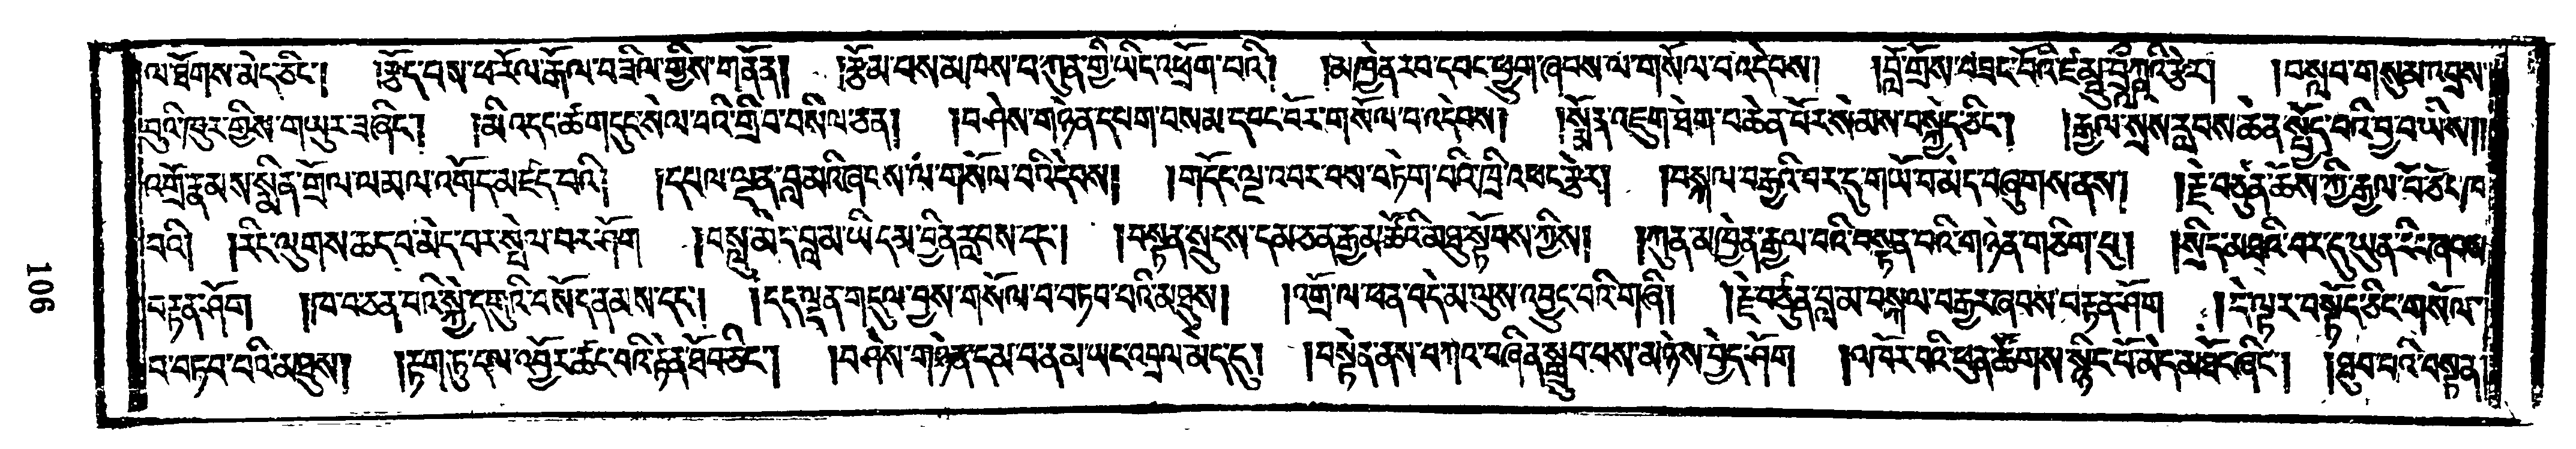ལ་ཐོགས་མེད་ཅིང་། །རྩོད་བས་ཕ་རོལ་རྒོལ་བཟིལ་གྱིས་གནོན། །རྩོམ་པས་མཁས་པ་ཀུན་གྱི་ཡིད་འཕྲོག་པའི། །མཁྱེན་རབ་དབང་ཕྱུག་ཞབས་ལ་གསོལ་བ་འདེབས། །བློ་གྲོས་བཟང་བོའི་ཛམ་བུ་བྲཱྀཀྵའི་རྩེར། །བསླབ་གསུམ་འབྲས།
བུའི་ཁུར་གྱིས་གཡུར་ཟ་ཞིང་། །མི་འདད་ཚ་གདུང་སེལ་བའི་གྲི་བ་བསིལ་ཅན། །བཤེས་གཉེན་དཔག་བསམ་དབང་བོར་གསོལ་བ་འདེབས། །སྨོན་འཇུག་ཐིག་པ་ཆེན་པོར་སེམས་བསྐྱེད་ཅིང་། །རྒྱལ་སྲས་རླབས་ཆེན་སྤྱོད་བའི་བྱ་བ་ཡིས།།
འགྲོ་རྣམས་སྨིན་གྲོལ་ལམ་ལ་འགོད་མཛད་བའི། །དཔལ་ལྡན་བླ་མའི་ཞབས་ལ་གསོལ་བའི་དེབས། །གདོང་ལྔ་འབར་བས་བཏེག་པའི་ཁྲི་འཕང་རྩེར། །བསྐལ་བརྒྱའི་བར་དུ་གཡོ་བ་མེད་བཞུགས་ནས། །རྗེ་བཙུན་ཆོས་ཀྱི་རྒྱལ་པོ་ཙོང་ཁ་
བའི། །རིང་ལུགས་ཆད་བ་མེད་པར་སྤེལ་བར་ཤོག །བསླུ་མེད་བླ་མ་ཡི་དམ་བྱིན་རླབས་དང་། །བསྟན་སྲུངས་དམ་ཅན་རྒྱ་མཚོའི་མཐུ་སྟོབས་ཀྱིས། །ཀུན་མཁྱེན་རྒྱལ་བའི་བསྟན་པའི་གཉེན་གཅིག་པུ། །སྲིད་མཐའི་བར་དུ་ཡུན་རིང་ཞབས་
བརྟན་ཤོག །ཁ་བ་ཅན་པའི་སྐྱེ་དགུའི་བསོད་ནམས་དང་། །དད་ལྡན་གདུལ་བྱས་གསོལ་བ་བཏབ་པའི་མཐུས། །འགྲོ་ལ་ཕན་བདེ་མ་ལུས་འབྱུང་བའི་གཞི། །རྗེ་བཙུན་བླ་མ་བསྐལ་བརྒྱར་ཞབས་བརྟན་ཤོག །དེ་ལྟར་བསྟོད་ཅིང་གསོལ་
བ་བཏབ་པའི་མཐུས། །རྟག་ཏུ་དལ་འབྱོར་ཚང་བའི་རྟེན་ཐོབ་ཅིང་། །བཤེས་གཉེན་དམ་བ་ནམ་ཡང་འབྲལ་མེད་དུ། །བསྟེན་ནས་བཀའ་བཞིན་སྒྲུབ་པས་མཉེས་བྱེད་ཤོག །འཁོར་བའི་ཕུན་ཚོགས་སྙིང་པོ་མེད་མཐོང་ཞིང་། །ཐུབ་པའི་བསྟན་